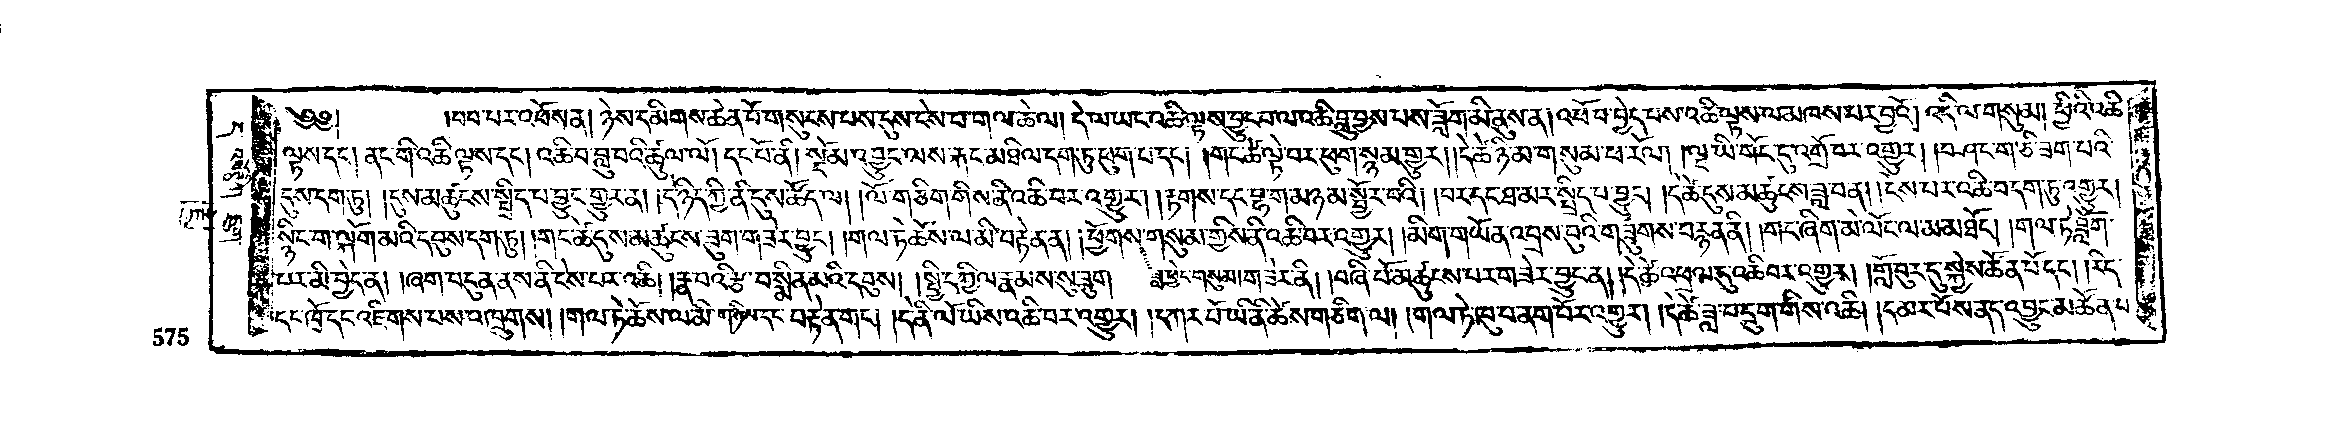༄༅། །བབ་པར་འཕོས་ན། ཉེས་དམིགས་ཆེན་པོ་གསུངས་པས་དུས་ངེས་པ་གལ་ཆེ་ལ། དེ་ལ་ཡང་འཆི་ལྟས་བྱུང་བ་ལ་འཆི་བླུ་བྱས་པས་ཟློག་མི་ནུས་ན། འཕོ་བ་བྱེད་པས་འཆི་ལྟས་ལ་མཁས་པར་བྱའོ། འདི་ལ་གསུམ། ཕྱིའི་འཆི་
ལྟས་དང་། ནང་གི་འཆི་ལྟས་དང་། འཆི་བ་བླུ་བའི་ཚུལ་ལོ། དང་པོ་ནི། སྡོམ་འབྱུང་ལས་རྐང་མཐིལ་དག་ཏུ་ཕུག་པ་དང་། །གང་ཚེ་ལྟེ་བར་ཕུག་སྙམ་གྱུར། །དེ་ཚེ་ཉི་མ་གསུམ་ཕ་རོལ། །ལྔ་ཡི་གོང་དུ་འགྲོ་བར་འགྱུར། །བཤང་ག་ཅི་ཟག་པའི་
དུས་དག་ཏུ། །དུས་མཚུངས་སྤྲིད་པ་བྱུང་གྱུར་ན། །དེ་ཉིད་ཀྱི་ནི་དུས་ཚོད་ལ། །ལོ་གཅིག་གིས་ནི་འཆི་བར་འགྱུར། །རྟགས་དང་བྷ་ག་མཉམ་སྦྱོར་བའི། །བར་དང་ཐ་མར་སྤྲིད་པ་བྱུང་། །དེ་ཚེ་དུས་མཚུངས་ཟླ་བ་ན། །ངེས་པར་འཆི་བ་དག་ཏུ་འགྱུར།
སྙིང་ག་ལྐོག་མའི་དབུས་དག་ཏུ། །གང་ཚེ་དུས་མཚུངས་ཟུག་གཟེར་བྱུང་། །གལ་ཏེ་ཆོས་ལ་མི་བརྟེན་ན། །ཕྱོགས་ཟླ་ཕྱེད་གསུམ་གསུམ་གྱིས་ནི་འཆི་བར་འགྱུར། །མིག་གཡོན་འབྲས་བུའི་གཟུགས་བརྙན་ནི། །གང་ཞིག་མེ་ལོང་ལ་མ་མཐོང་། །གལ་ཏེ་ཟློག་
པར་མི་བྱེད་ན། །ཞག་བདུན་ནས་ནི་ངེས་པར་འཆི། །རྣ་བའི་རྩ་བ་སྨིན་མའི་དབུས། །སྤྱི་དཀྱིལ་རྣམས་སུ་ཟུག་གཟེར་ནི། །བཞི་པོ་མཚུངས་པར་གཟེར་བྱུང་ན། །དེ་ཚེ་འཕྲལ་དུ་འཆི་བར་འགྱུར། །གློ་བུར་དུ་སྐྱེས་ཚོན་པོ་དང་། །རིད་
དང་ཁྲོ་དང་འཇིགས་པས་འཁྲུགས། །གལ་ཏེ་ཆོས་ལ་མི་གཉིས་དང་བརྟེན་གང་། །དེ་ནི་ལོ་ཡིས་འཆི་བར་འགྱུར། །དཀར་པོ་ཡི་ནི་ཚེས་གཅིག་ལ། །གལ་ཏེ་ཁུ་བ་ནག་པོར་འགྱུར། །དེ་ཚེ་ཟླ་བ་དྲུག་གིས་འཆི། །དམར་པོས་ནད་འབྱུང་མཚོན་པ་